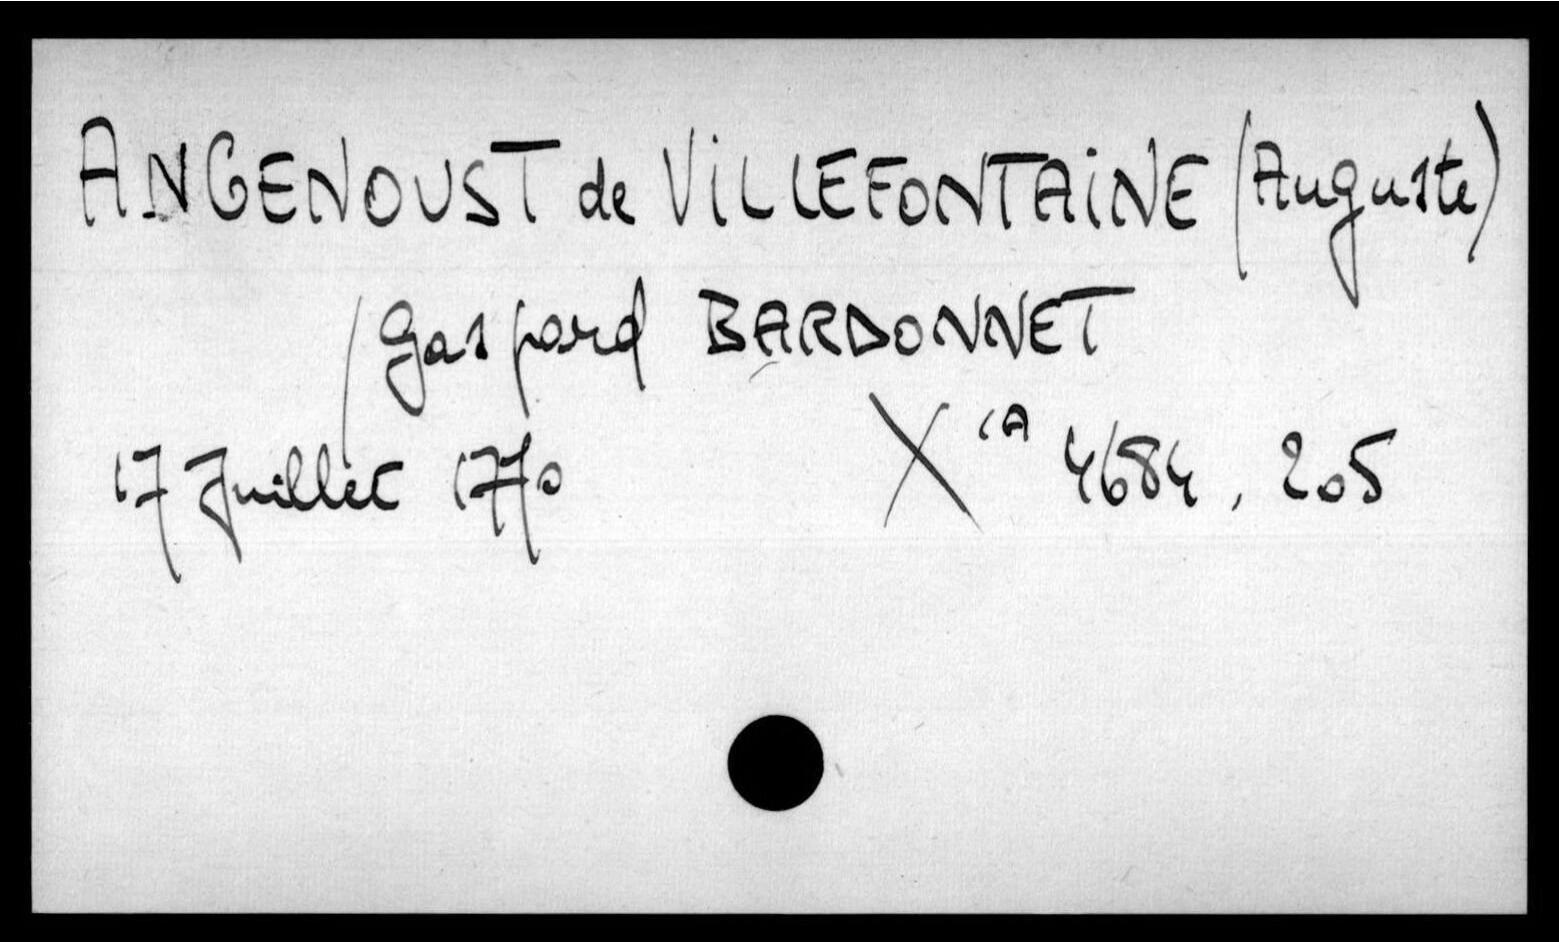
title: ANGENOUST de VILLEFONTAINE (Auguste)
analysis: Contre Gaspard BARDONNET
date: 17 juillet 1770
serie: X1A
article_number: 4684
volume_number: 205
